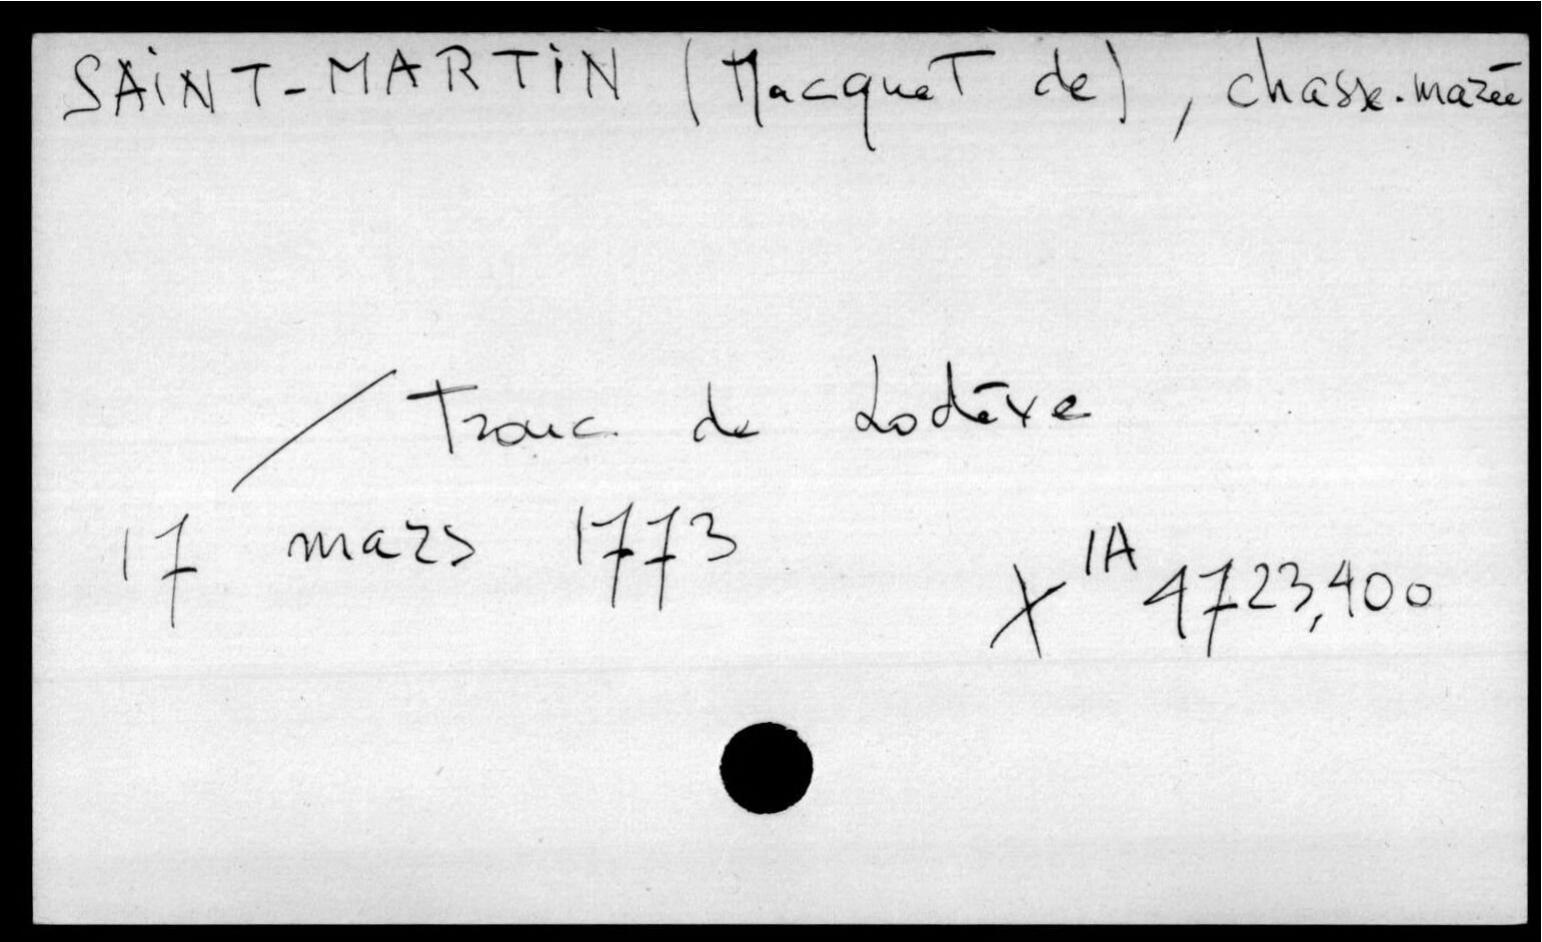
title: SAINT-MARTIN (Macquet de), chasse-marée
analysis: Contre Franc de Lodève
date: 17 mars 1773
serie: X1A
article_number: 4723
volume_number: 400
